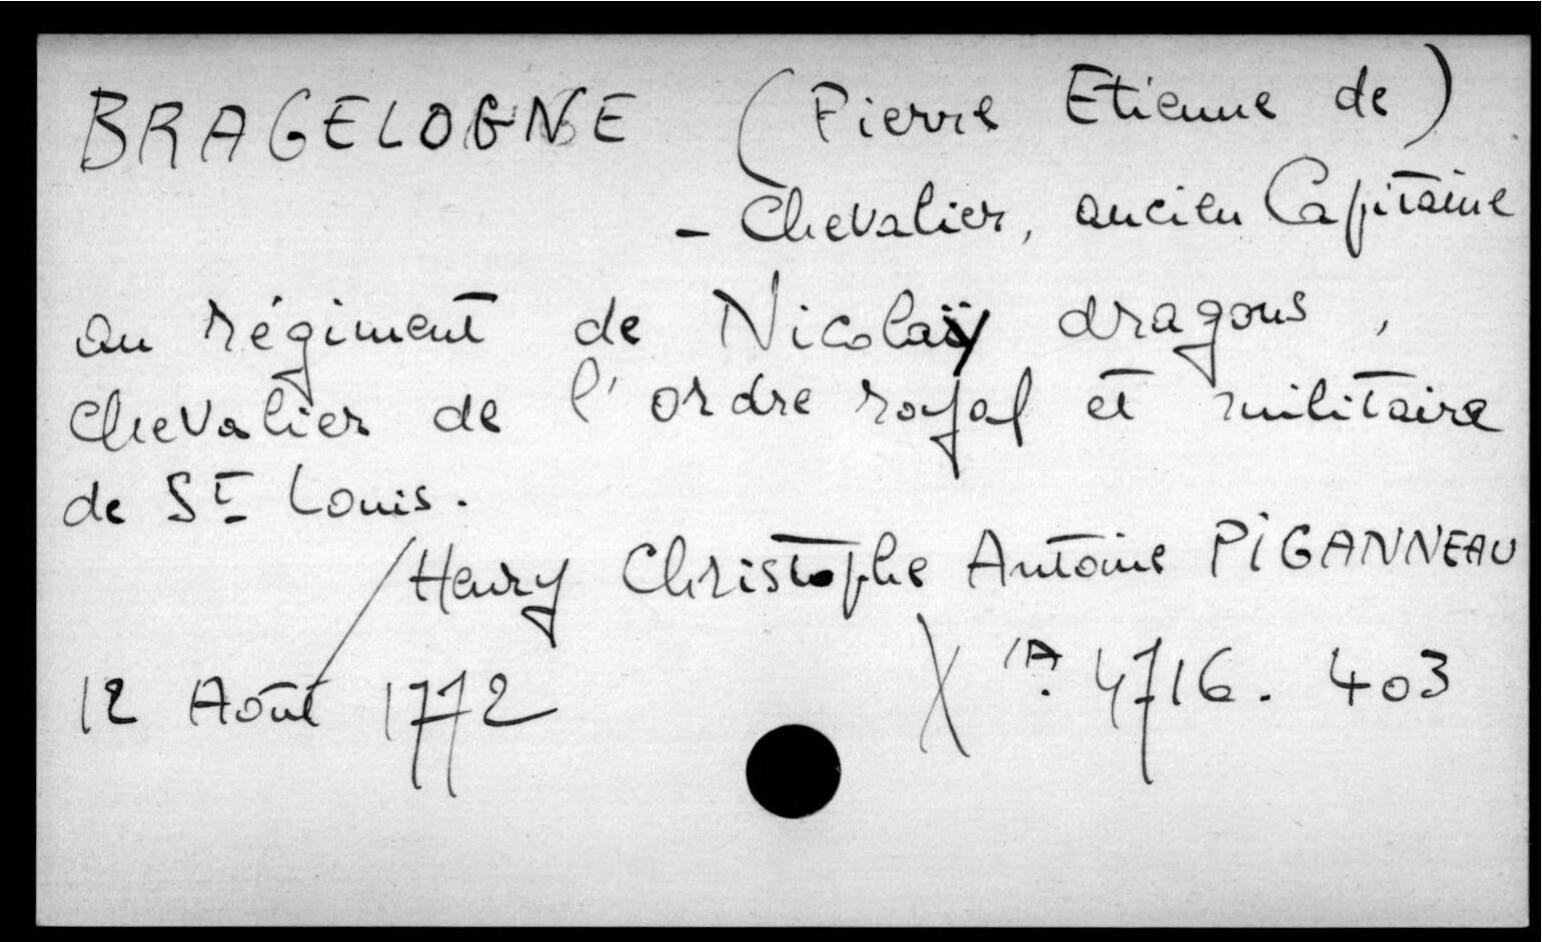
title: BRAGELOGNE (Pierre Etienne de) - Chevalier, ancien Capitaine au régiment de Nicolaÿ dragons, chevalier de l'ordre royal et militaire de Saint Louis.
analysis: Contre Henry Christophe Antoine PIGANNEAU
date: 12 août 1772
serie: X1A
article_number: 4716
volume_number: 403
